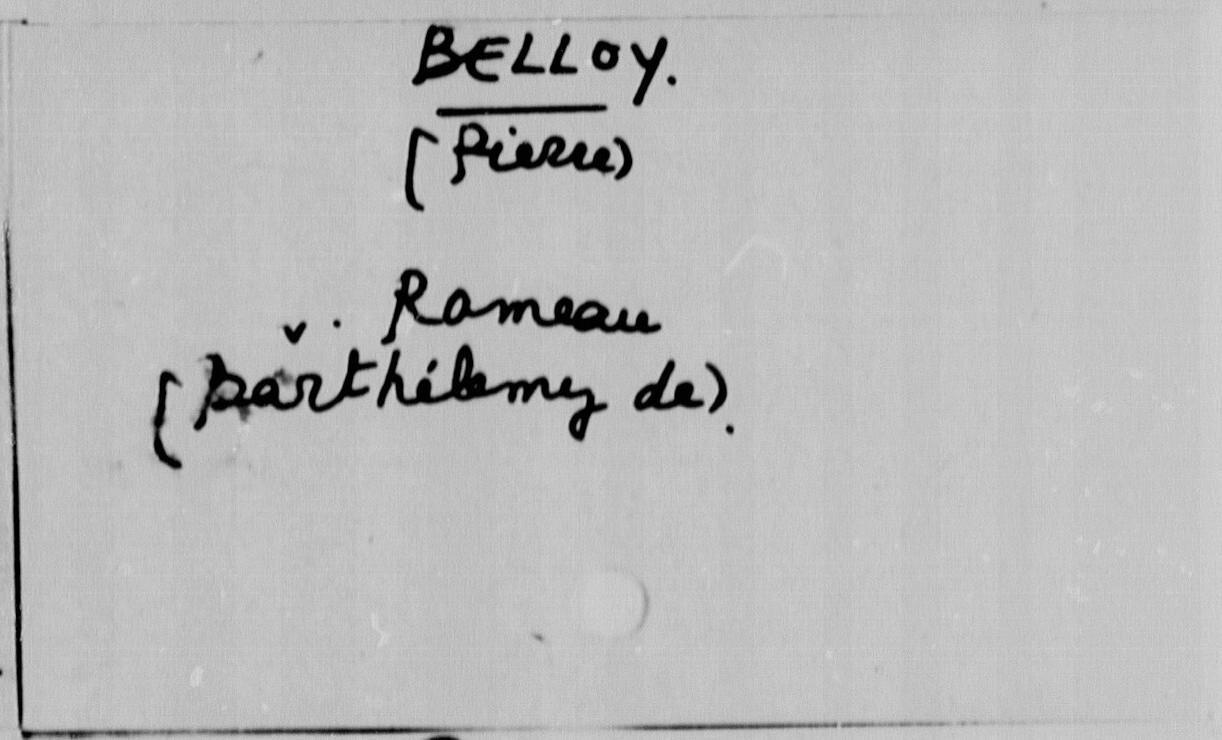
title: BELLOY (Pierre)
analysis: Voir Rameau (Barthélemy de)
